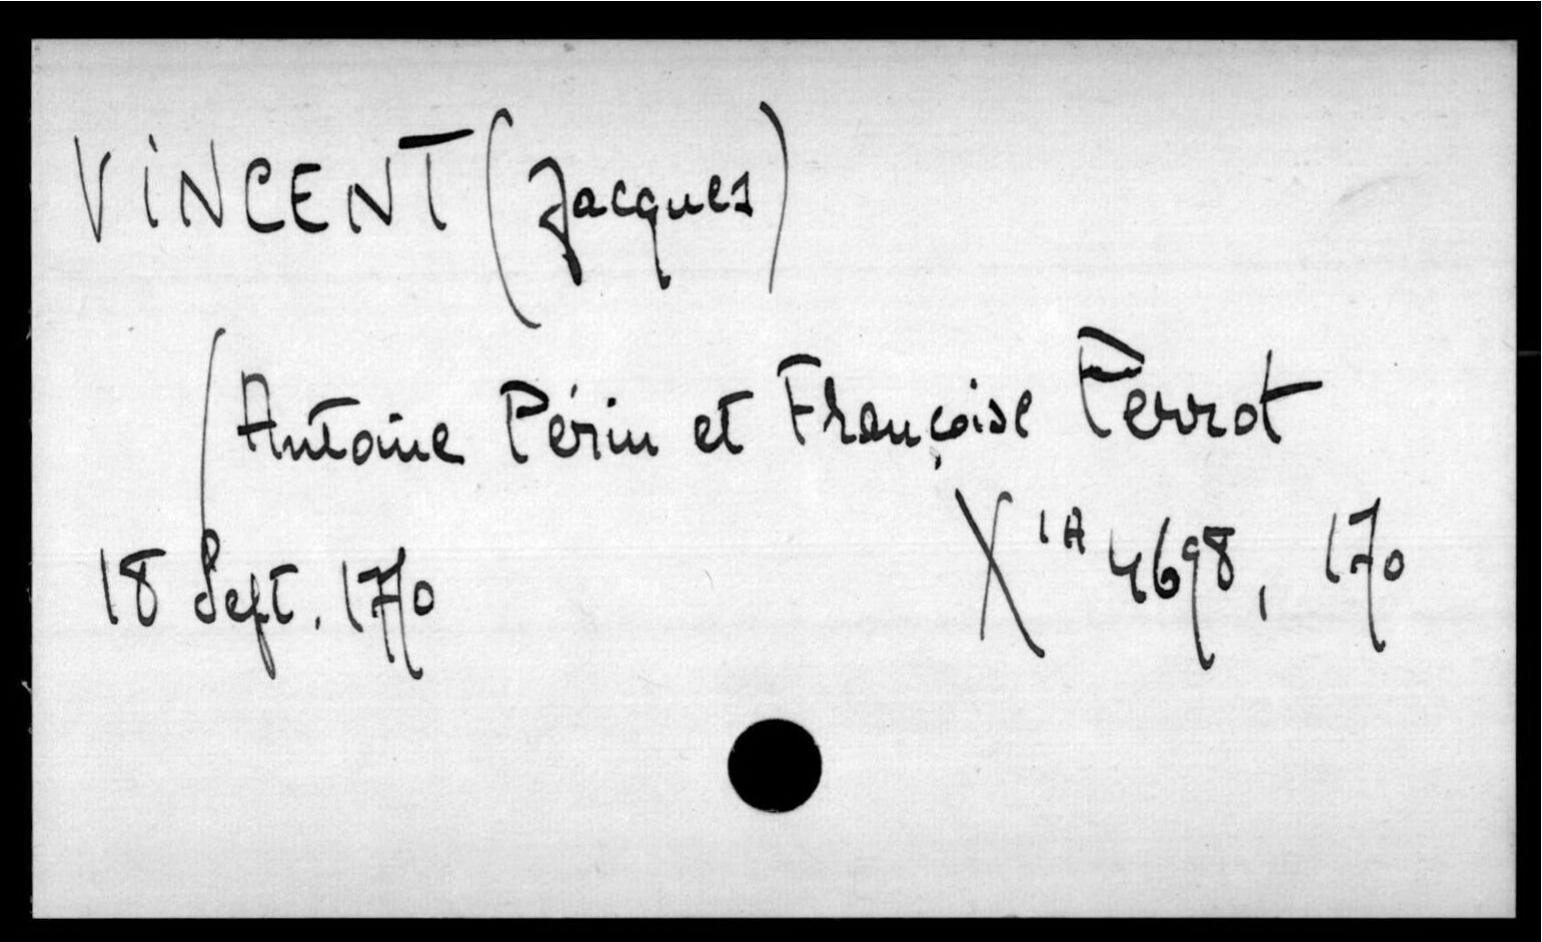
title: VINCENT (Jacques)
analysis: Contre Antoine Périn et Françoise Perrot
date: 18 septembre 1770
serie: X1A
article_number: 4698
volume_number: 170
